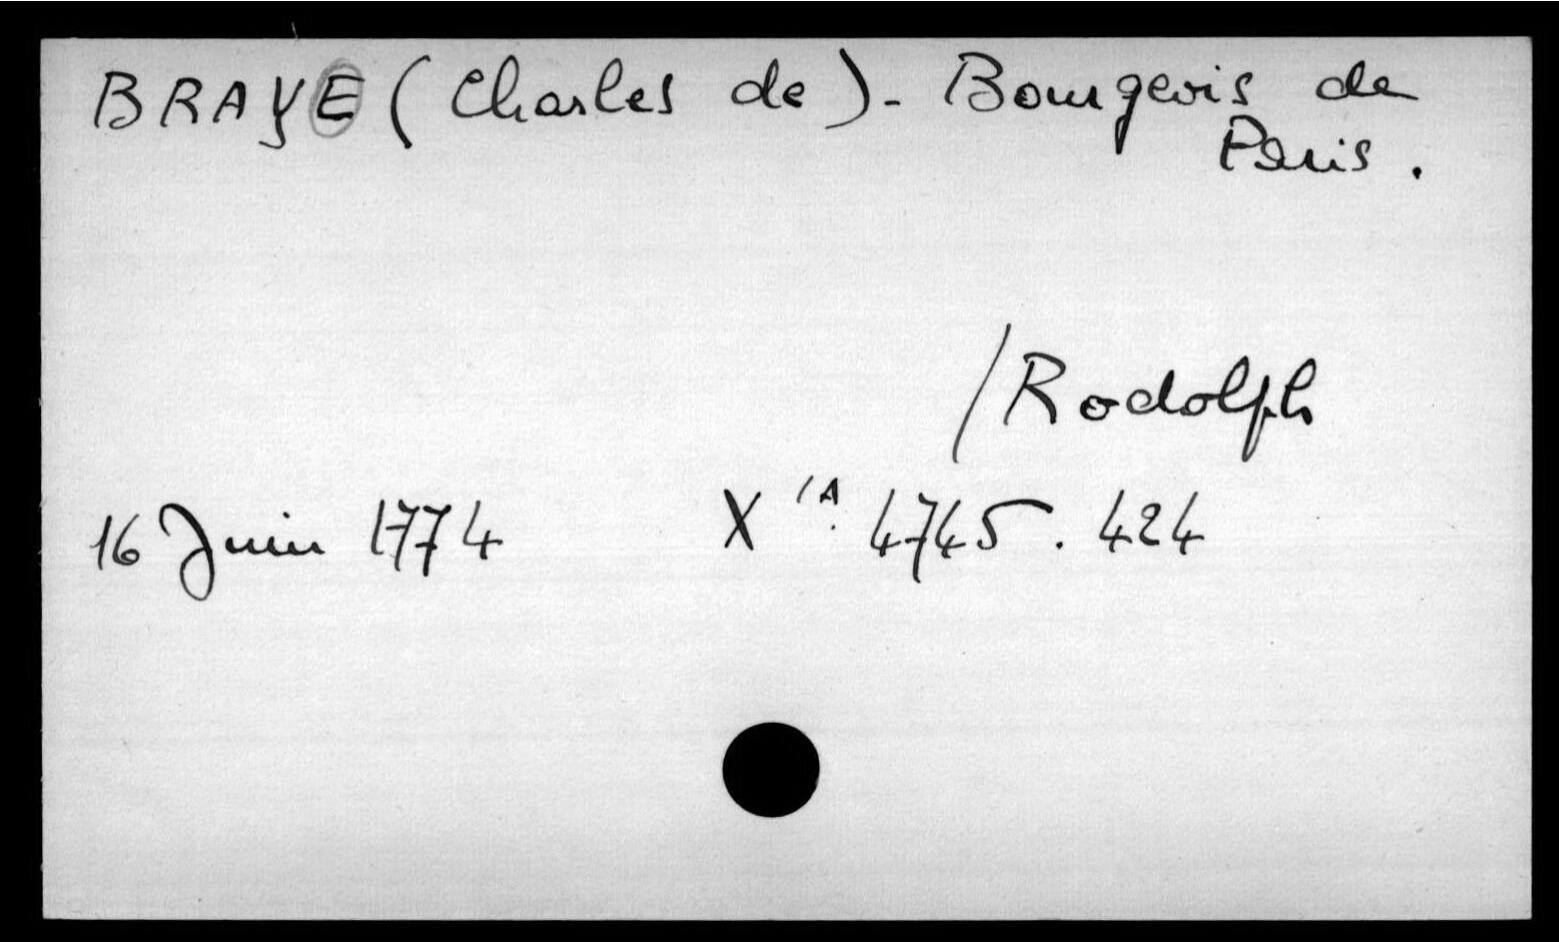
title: BRAYE (Charles de), Bourgeois de Paris.
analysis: Contre Rodolph
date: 16 juin 1774
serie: X1A
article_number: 4745
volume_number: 424
